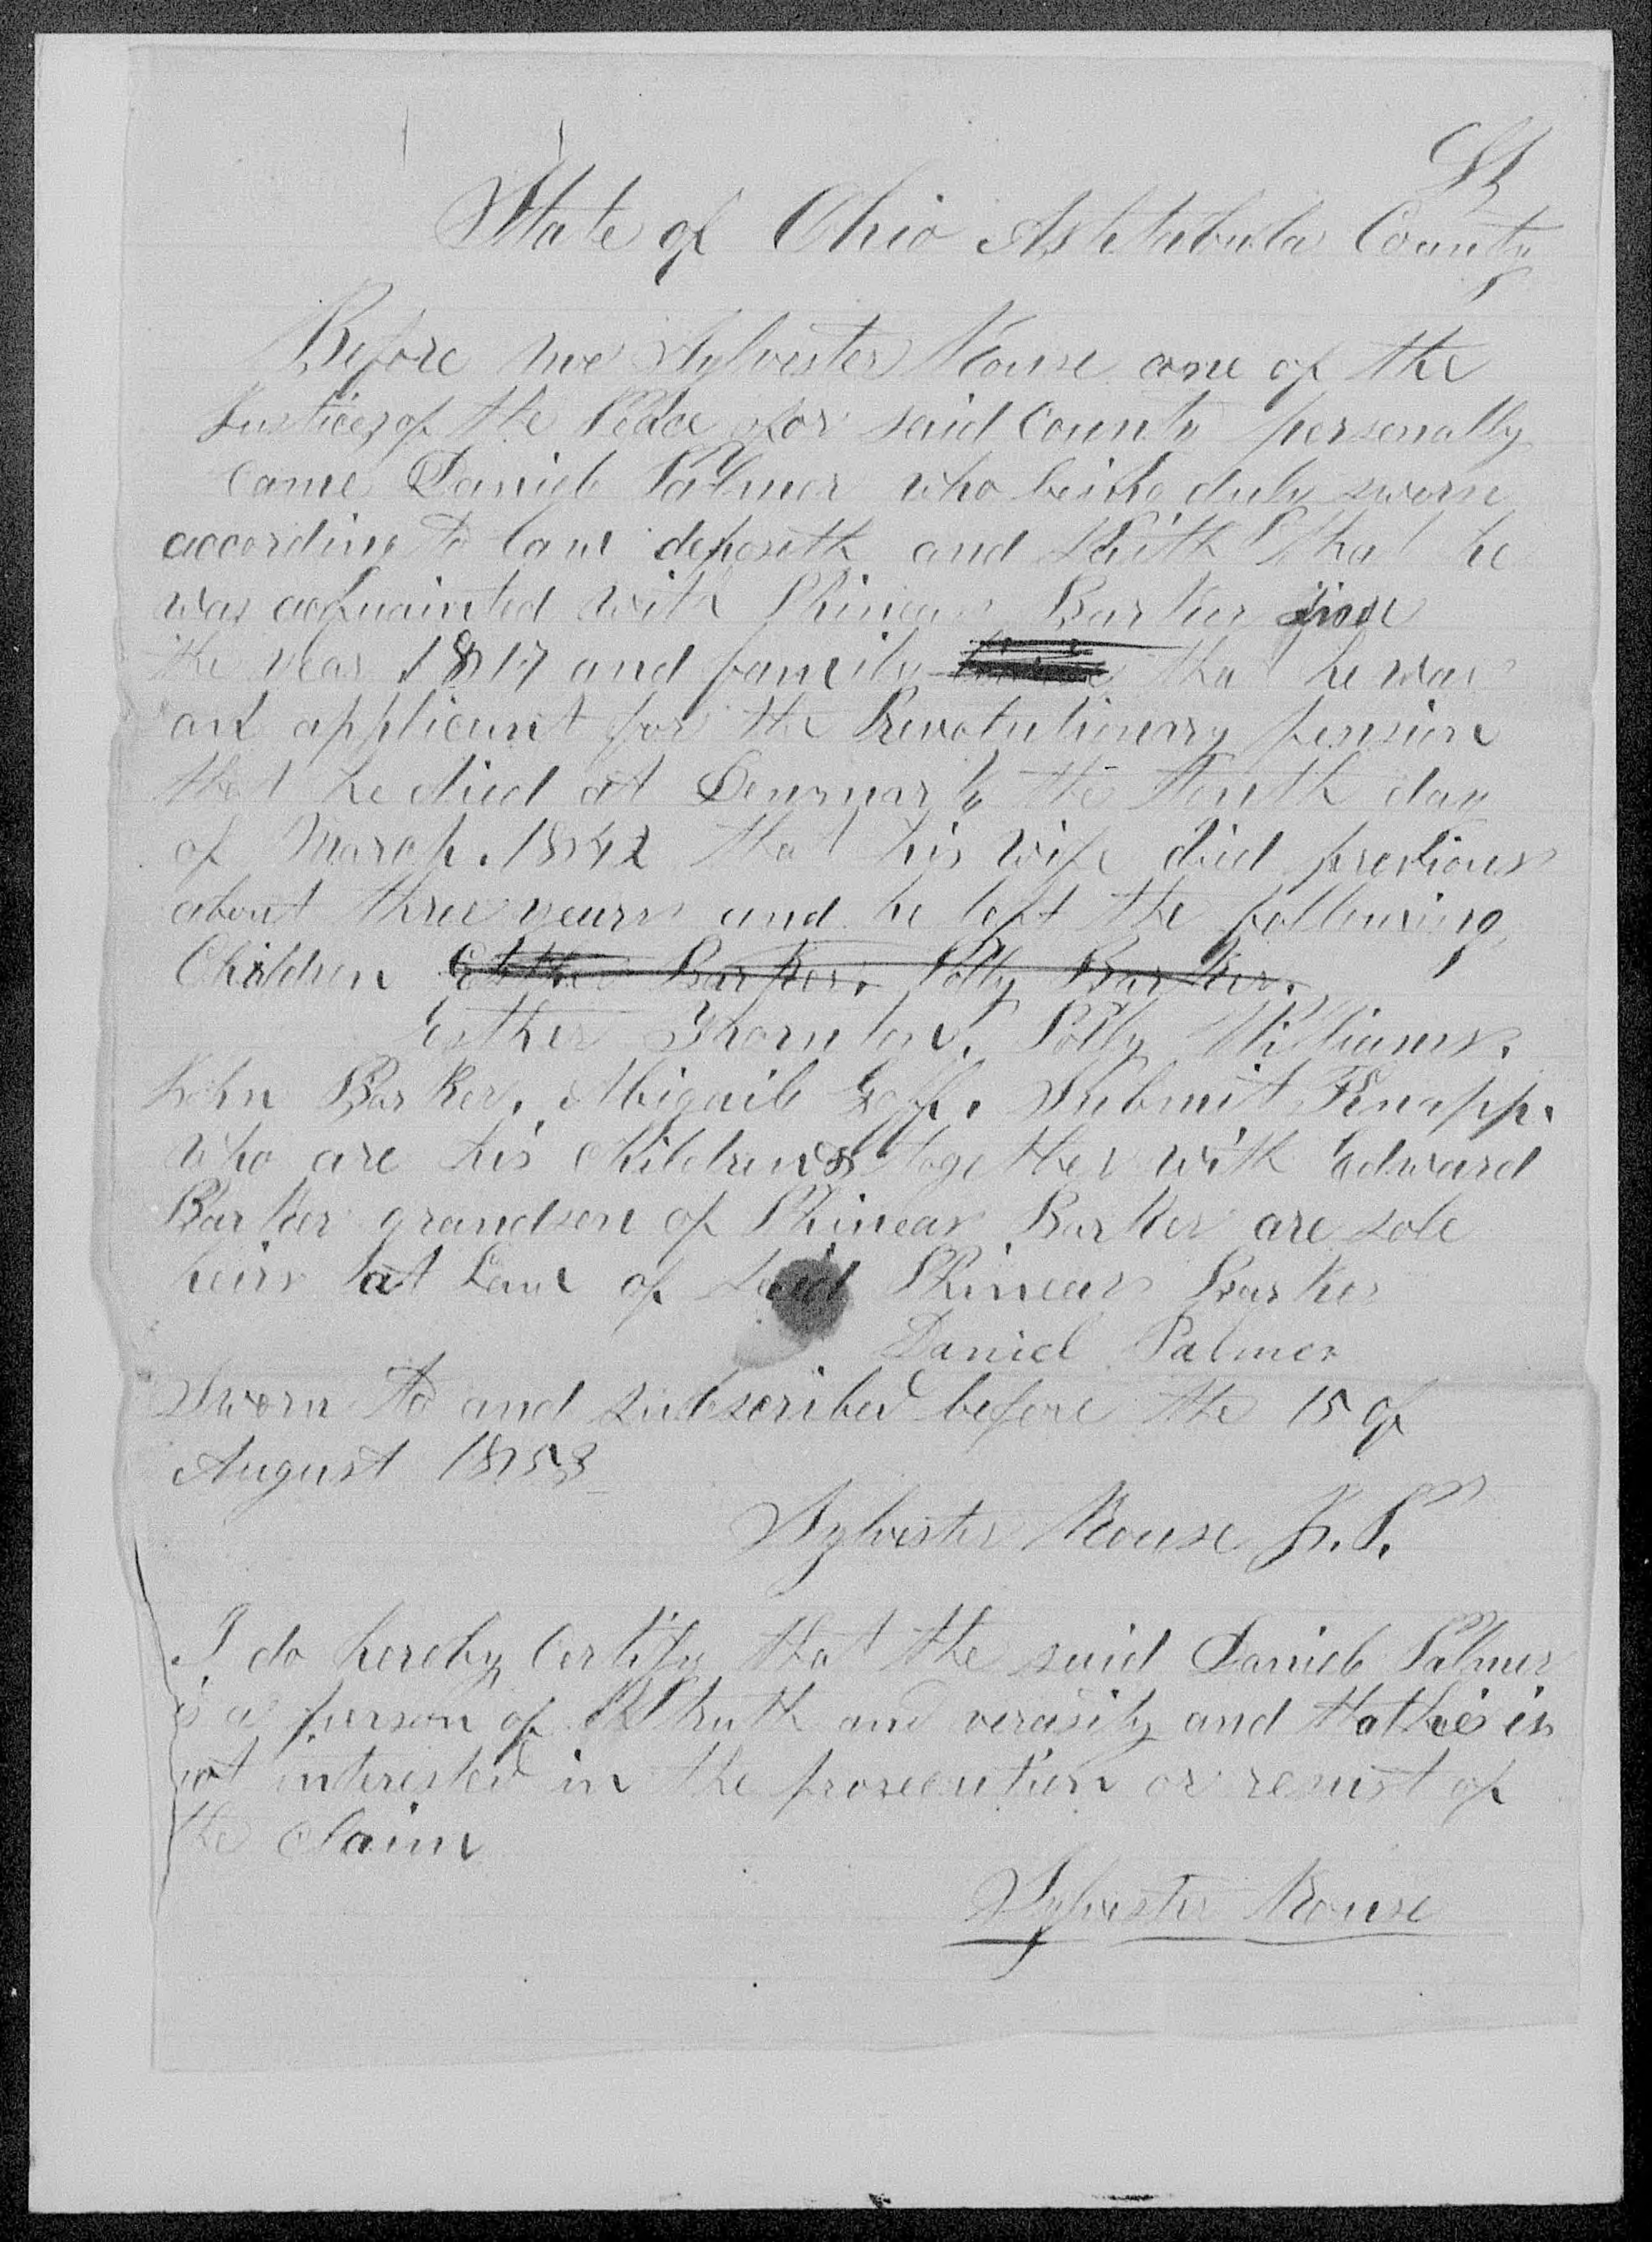State of Ohio Ashtabula County ss  
Before me Sylvester Rouse one of the Justice of the Peace for said County personally came Daniel Palmer who being duly sworn according to law deposeth and sayeth  that he was acquainted with Phineas Barker [unreadable] the year 1817 and family that he was an applicant for the revolutionary pension, that he died at Denmark the Ninth day of March 1842 that his wife died previous about three years and he left the following Children,  
Esther Thornton, Polly Williams,  John Barker, Abigail Goff, Submit Knapp who are his children together with Edward Barker Grandson of Phineas Barker are sole heirs at Law of Phineas Barker.  
Daniel Palmer 
Sworn to and subscribed before the 15 of August 1853 
Sylvester Rouse J.P. 
I do hereby certify that the said Daniel Palmer is a person of truth and veracity and that he is not interested in the prosecution or result of the claim 
Sylvester Rouse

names: Edward Barker, Daniel Palmer, Sylvester Rouse, Abigail Goff, Phineas Barker, Submit Knapp, Sylvester Rouse, Phineas Barker, Daniel Palmer, John Barker, Sylvester Rouse, Esther Thornton, Phineas Barker, Daniel Palmer, Polly Williams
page: 2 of 35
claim: rejected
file: R. 501, Phineas Barker, Conn. Privateer